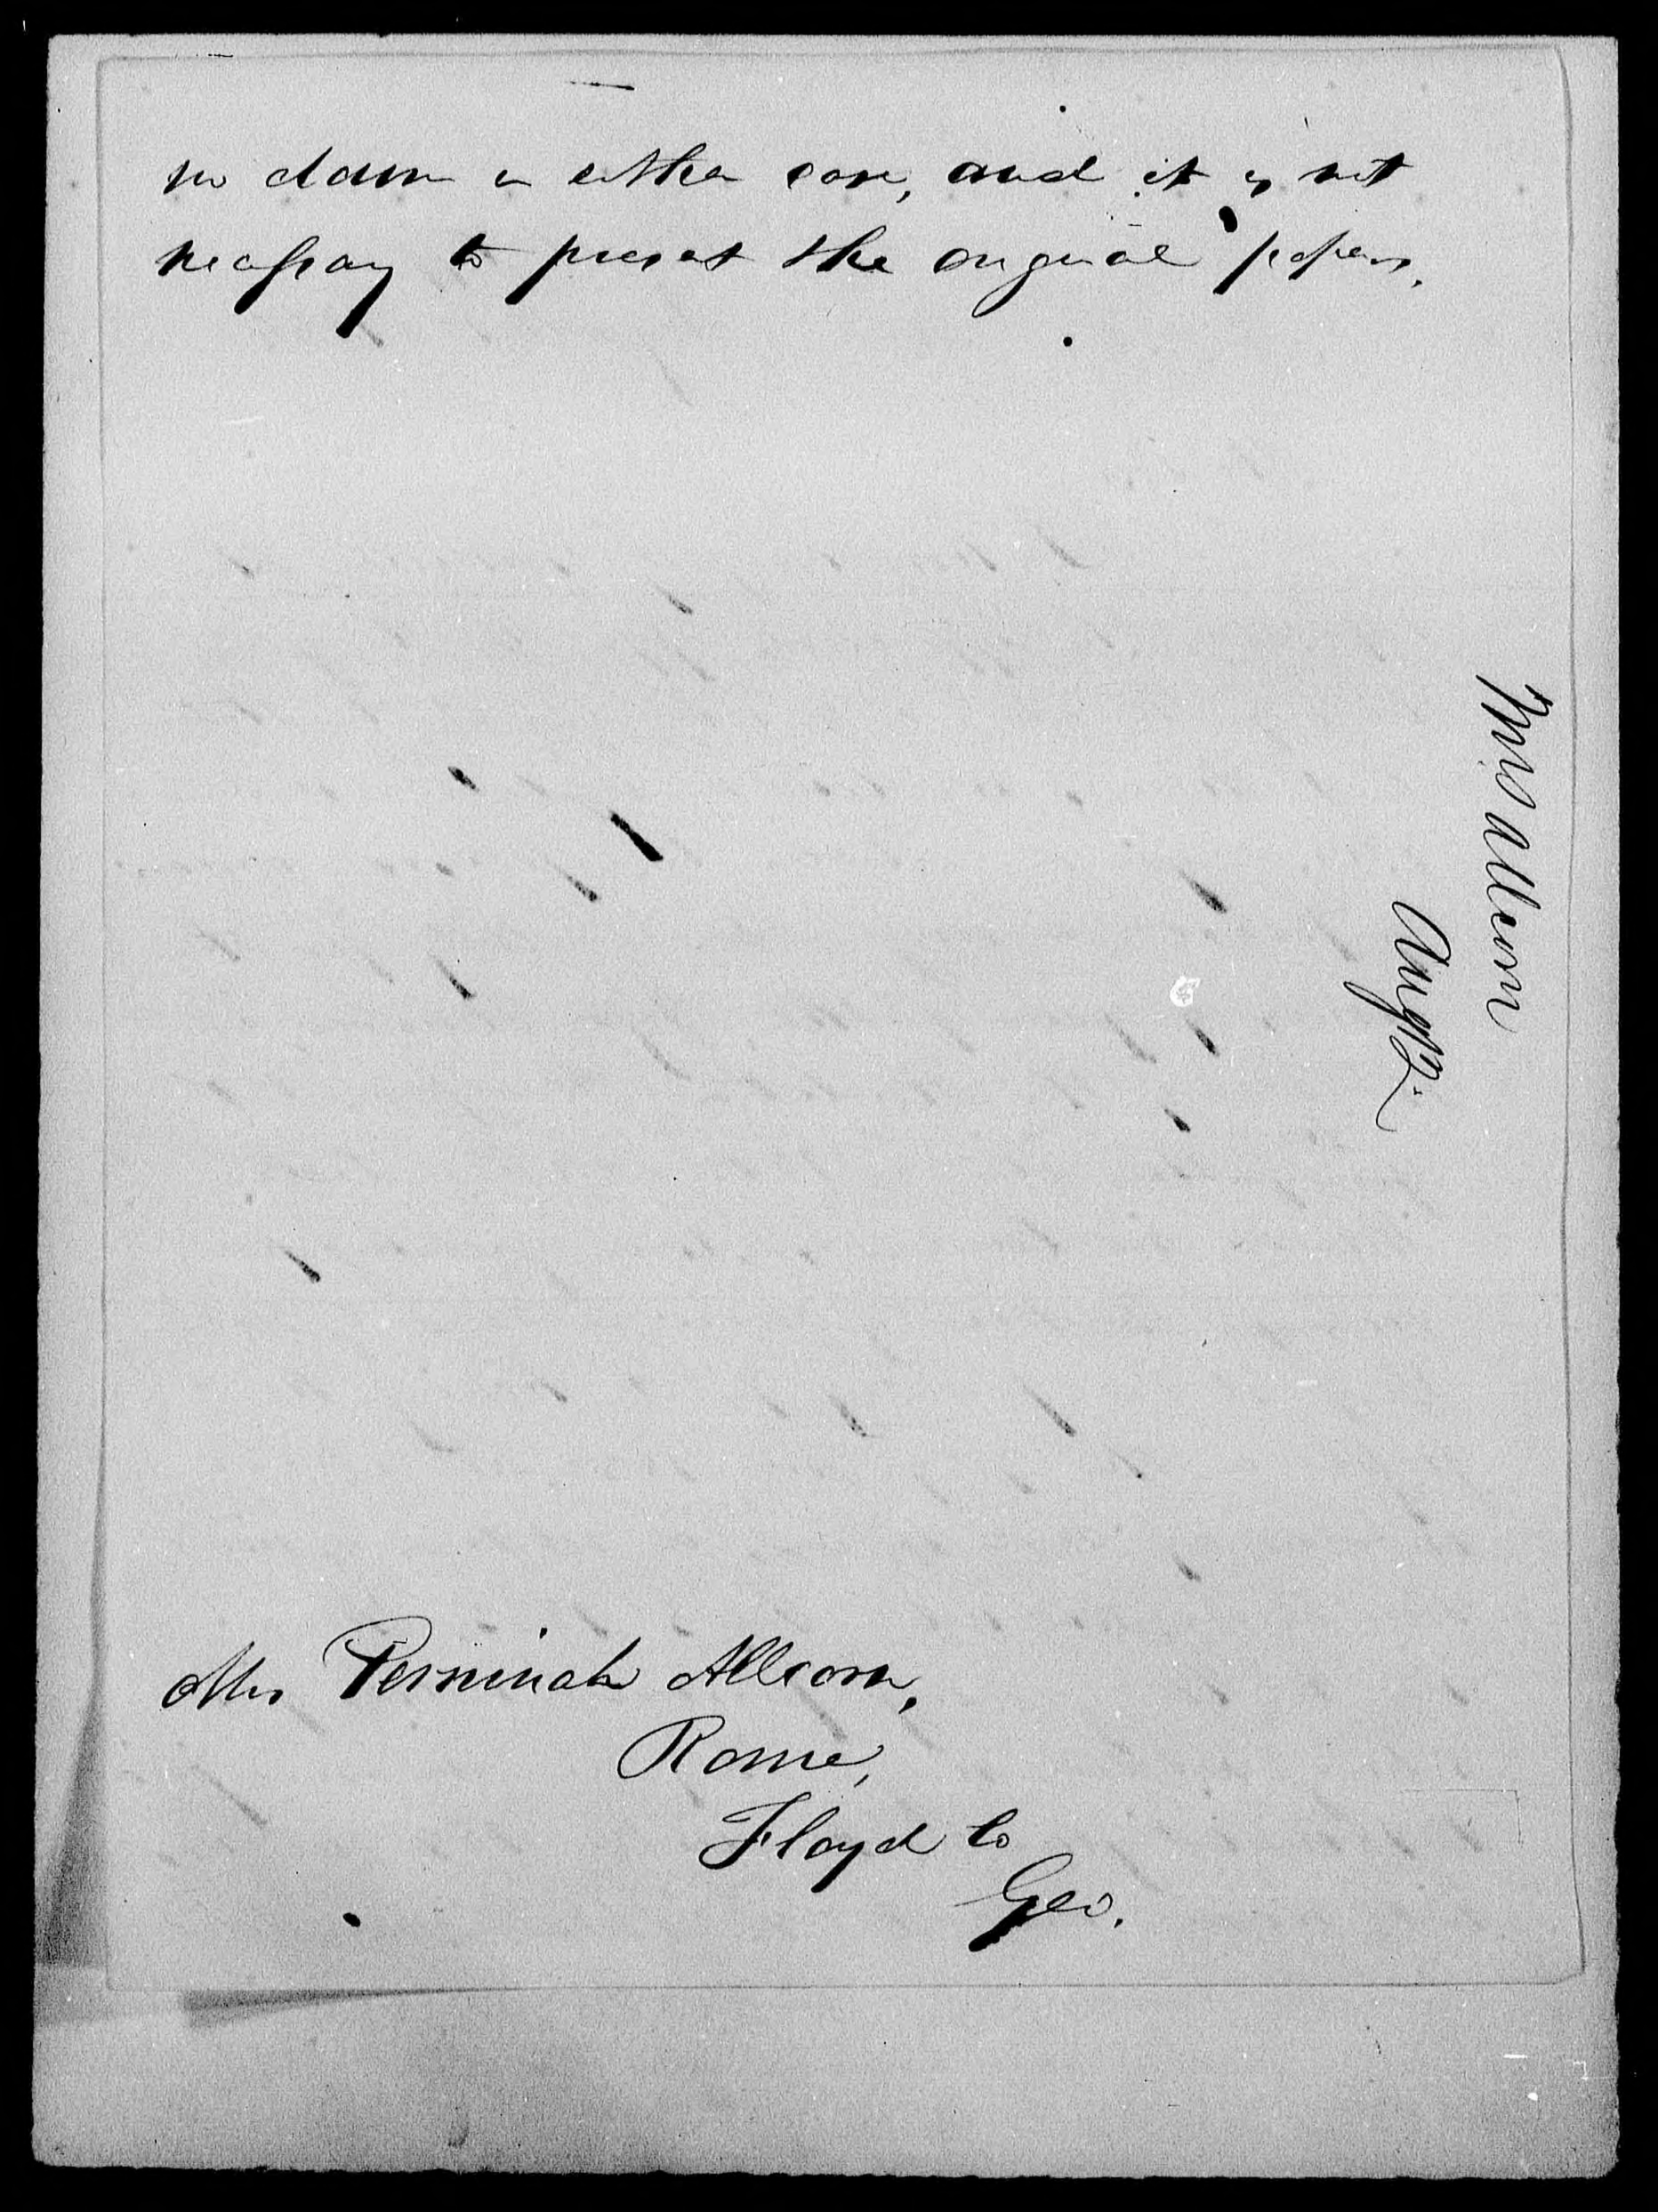[blank] on either page, and it is not necessary to present the original papers.

Mrs. Perninah Allcorn
Rome
Floyd Co. Geo.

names: Perninah Allcorn, Allcorn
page: 13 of 32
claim: rejected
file: R. 4655, Jesse Harris, N.C.